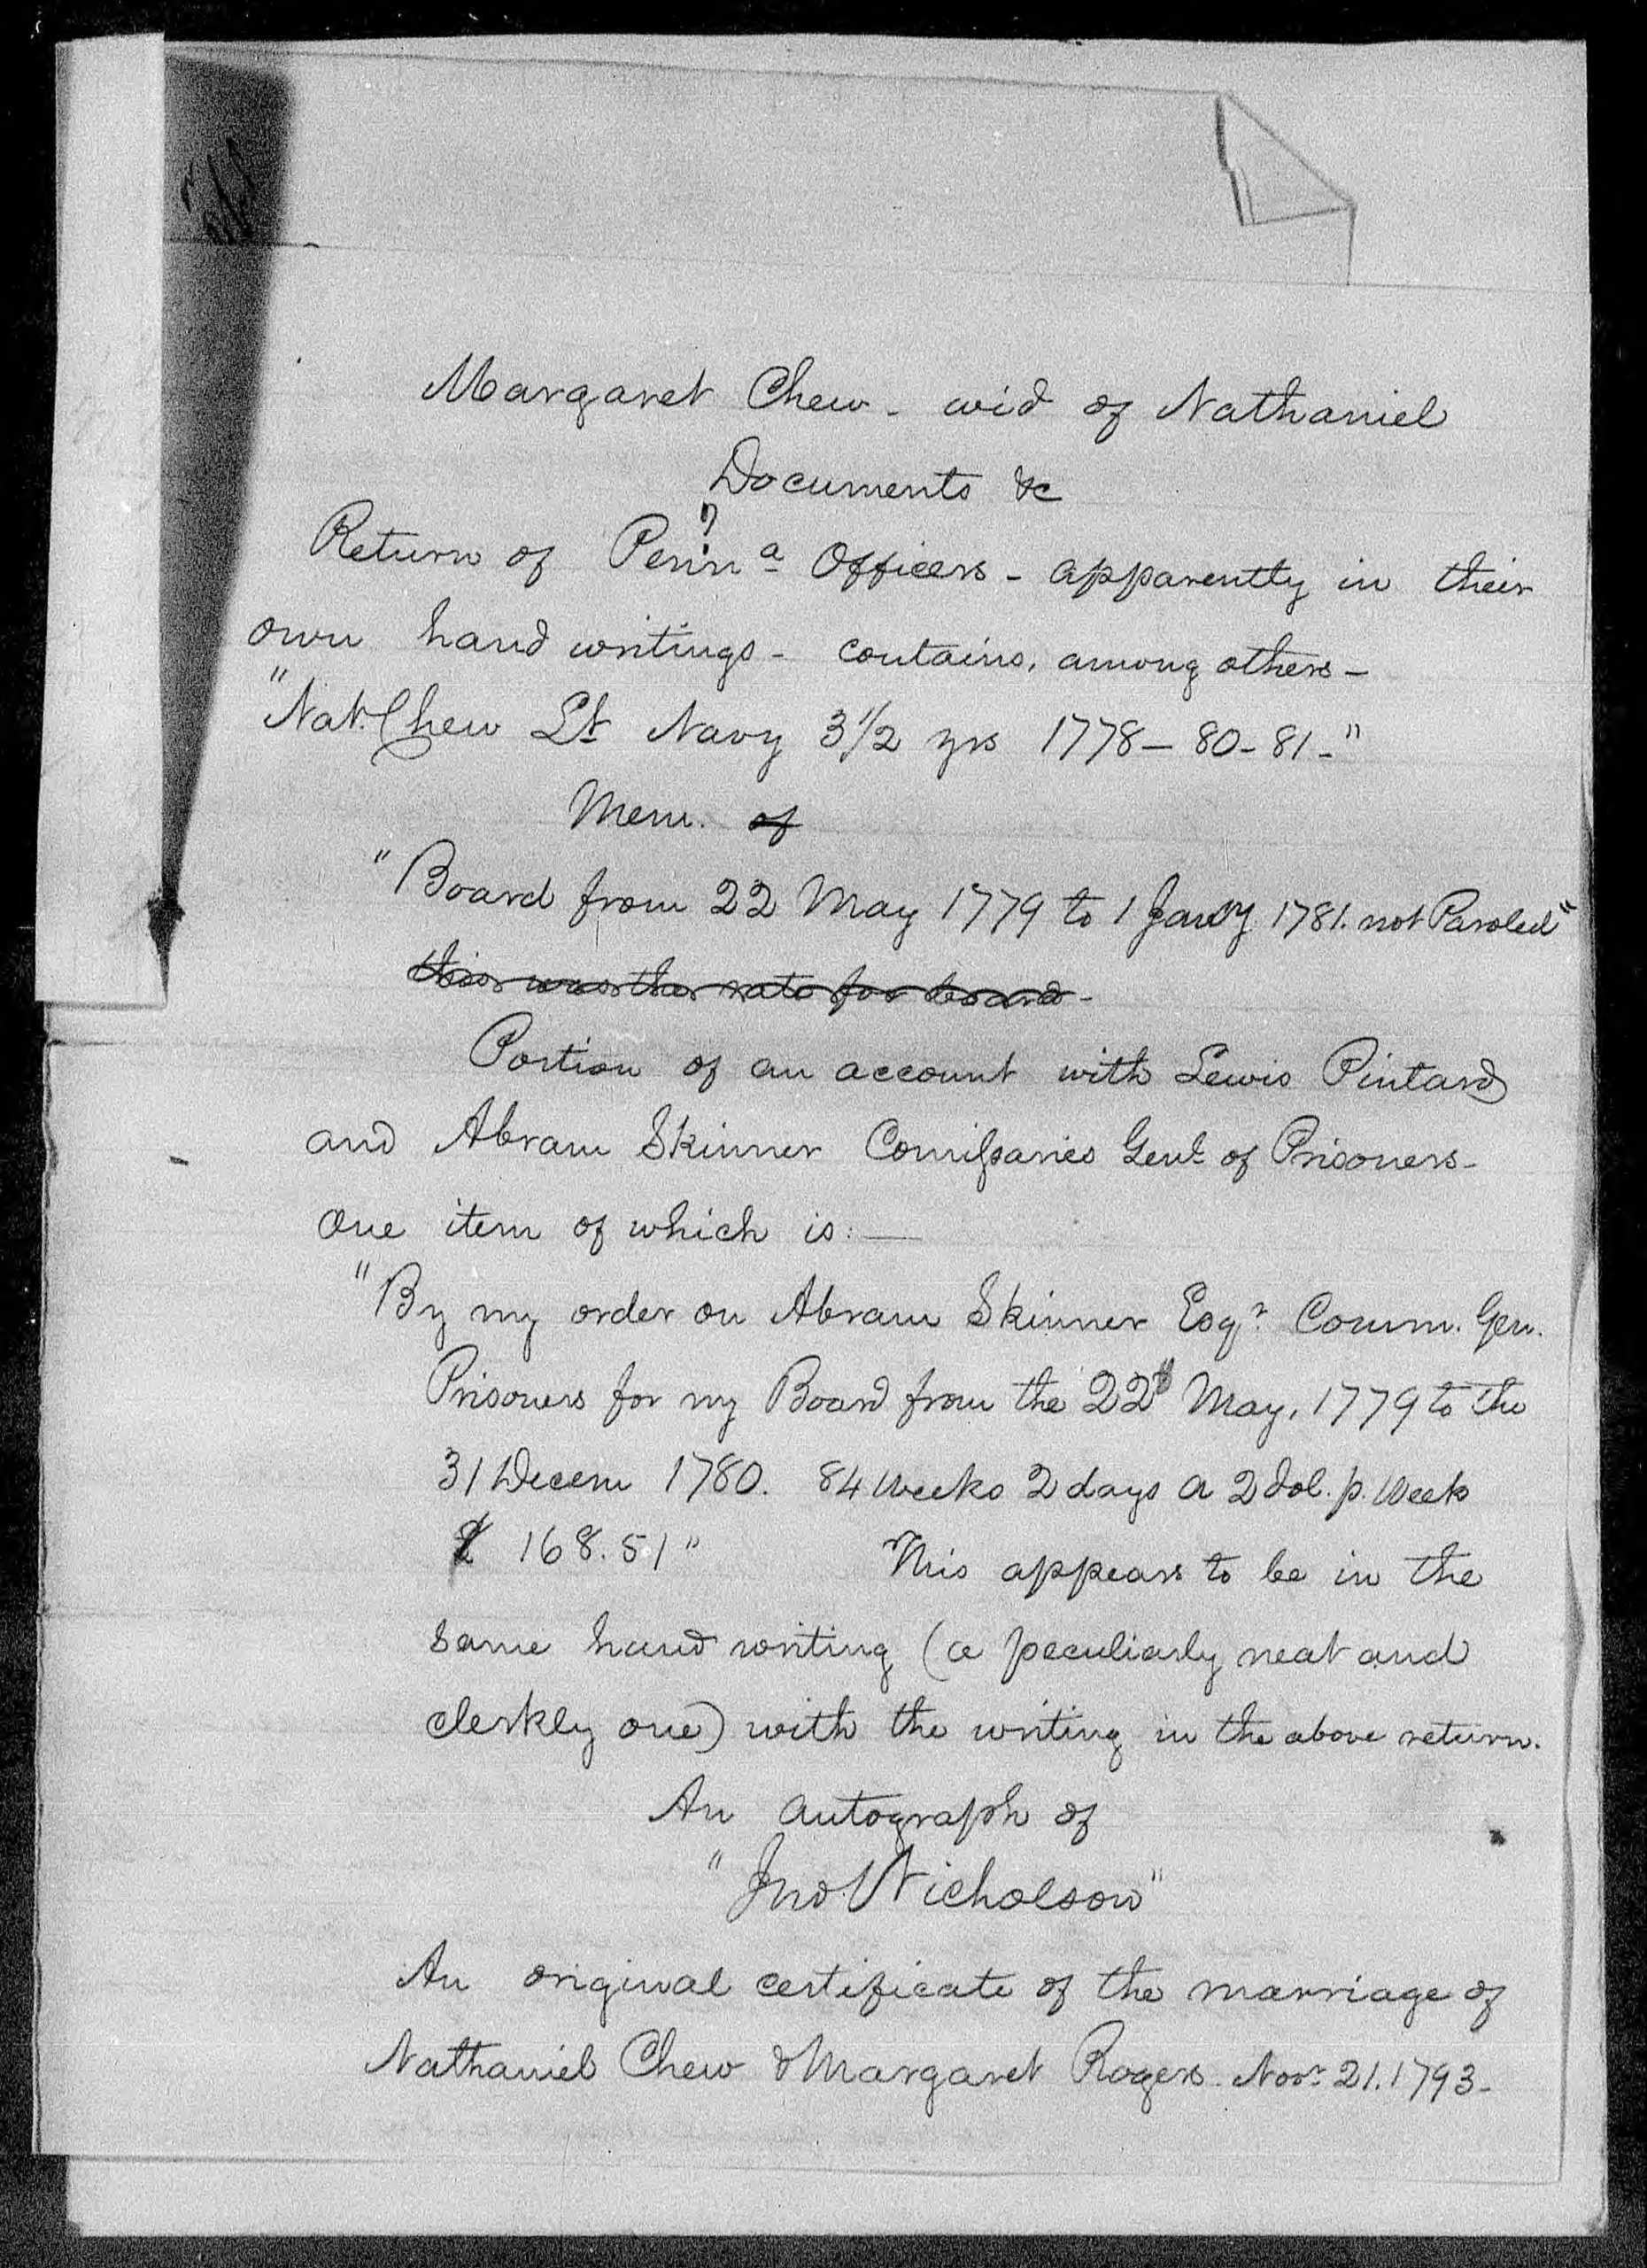Margaret Chew - wid of Nathaniel 
Documents &c

Return of Penna [question mark above Penn] Officers - apparently in their
own hand writings - contains among others -
"Nat.Chew Lt Navy 3 1/2 yrs 1778-80-81."

Mem [of-struck out]

"Board from 22 May 1779 to Jany 1781. not Paroled"
[sentence struck out]

Portion of an account with Lewis Pintard
and Abram Skinner [illegible] Genl of Prisoners
one item of which is

"By my order on Abram Skinner Esqr. Comm. Gen.
Prisoners for my Board from the 22d May, 1779 to the
31 Decem 1780.  84 weeks 2 days a 2 dol. p. week
$168.51". This appears to be in the
same hand writing (a peculiarly neat and
clerkly one) with the writing in the above return.

An Autograph of
"Jno Nicholson"

An original certificate of the marriage of
Nathaniel Chew & Margaret Rogers Nov. 21. 1793.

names: Margaret Rogers, Margaret Chew, Nathaniel Chew, Nathaniel Chew, Abram Skinner, Nat Chew, Jno Nicholson, Lewis Pintard, Abram Skinner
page: 42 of 59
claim: widow's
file: W. 9383, Nathaniel Chew, Navy (Md.)